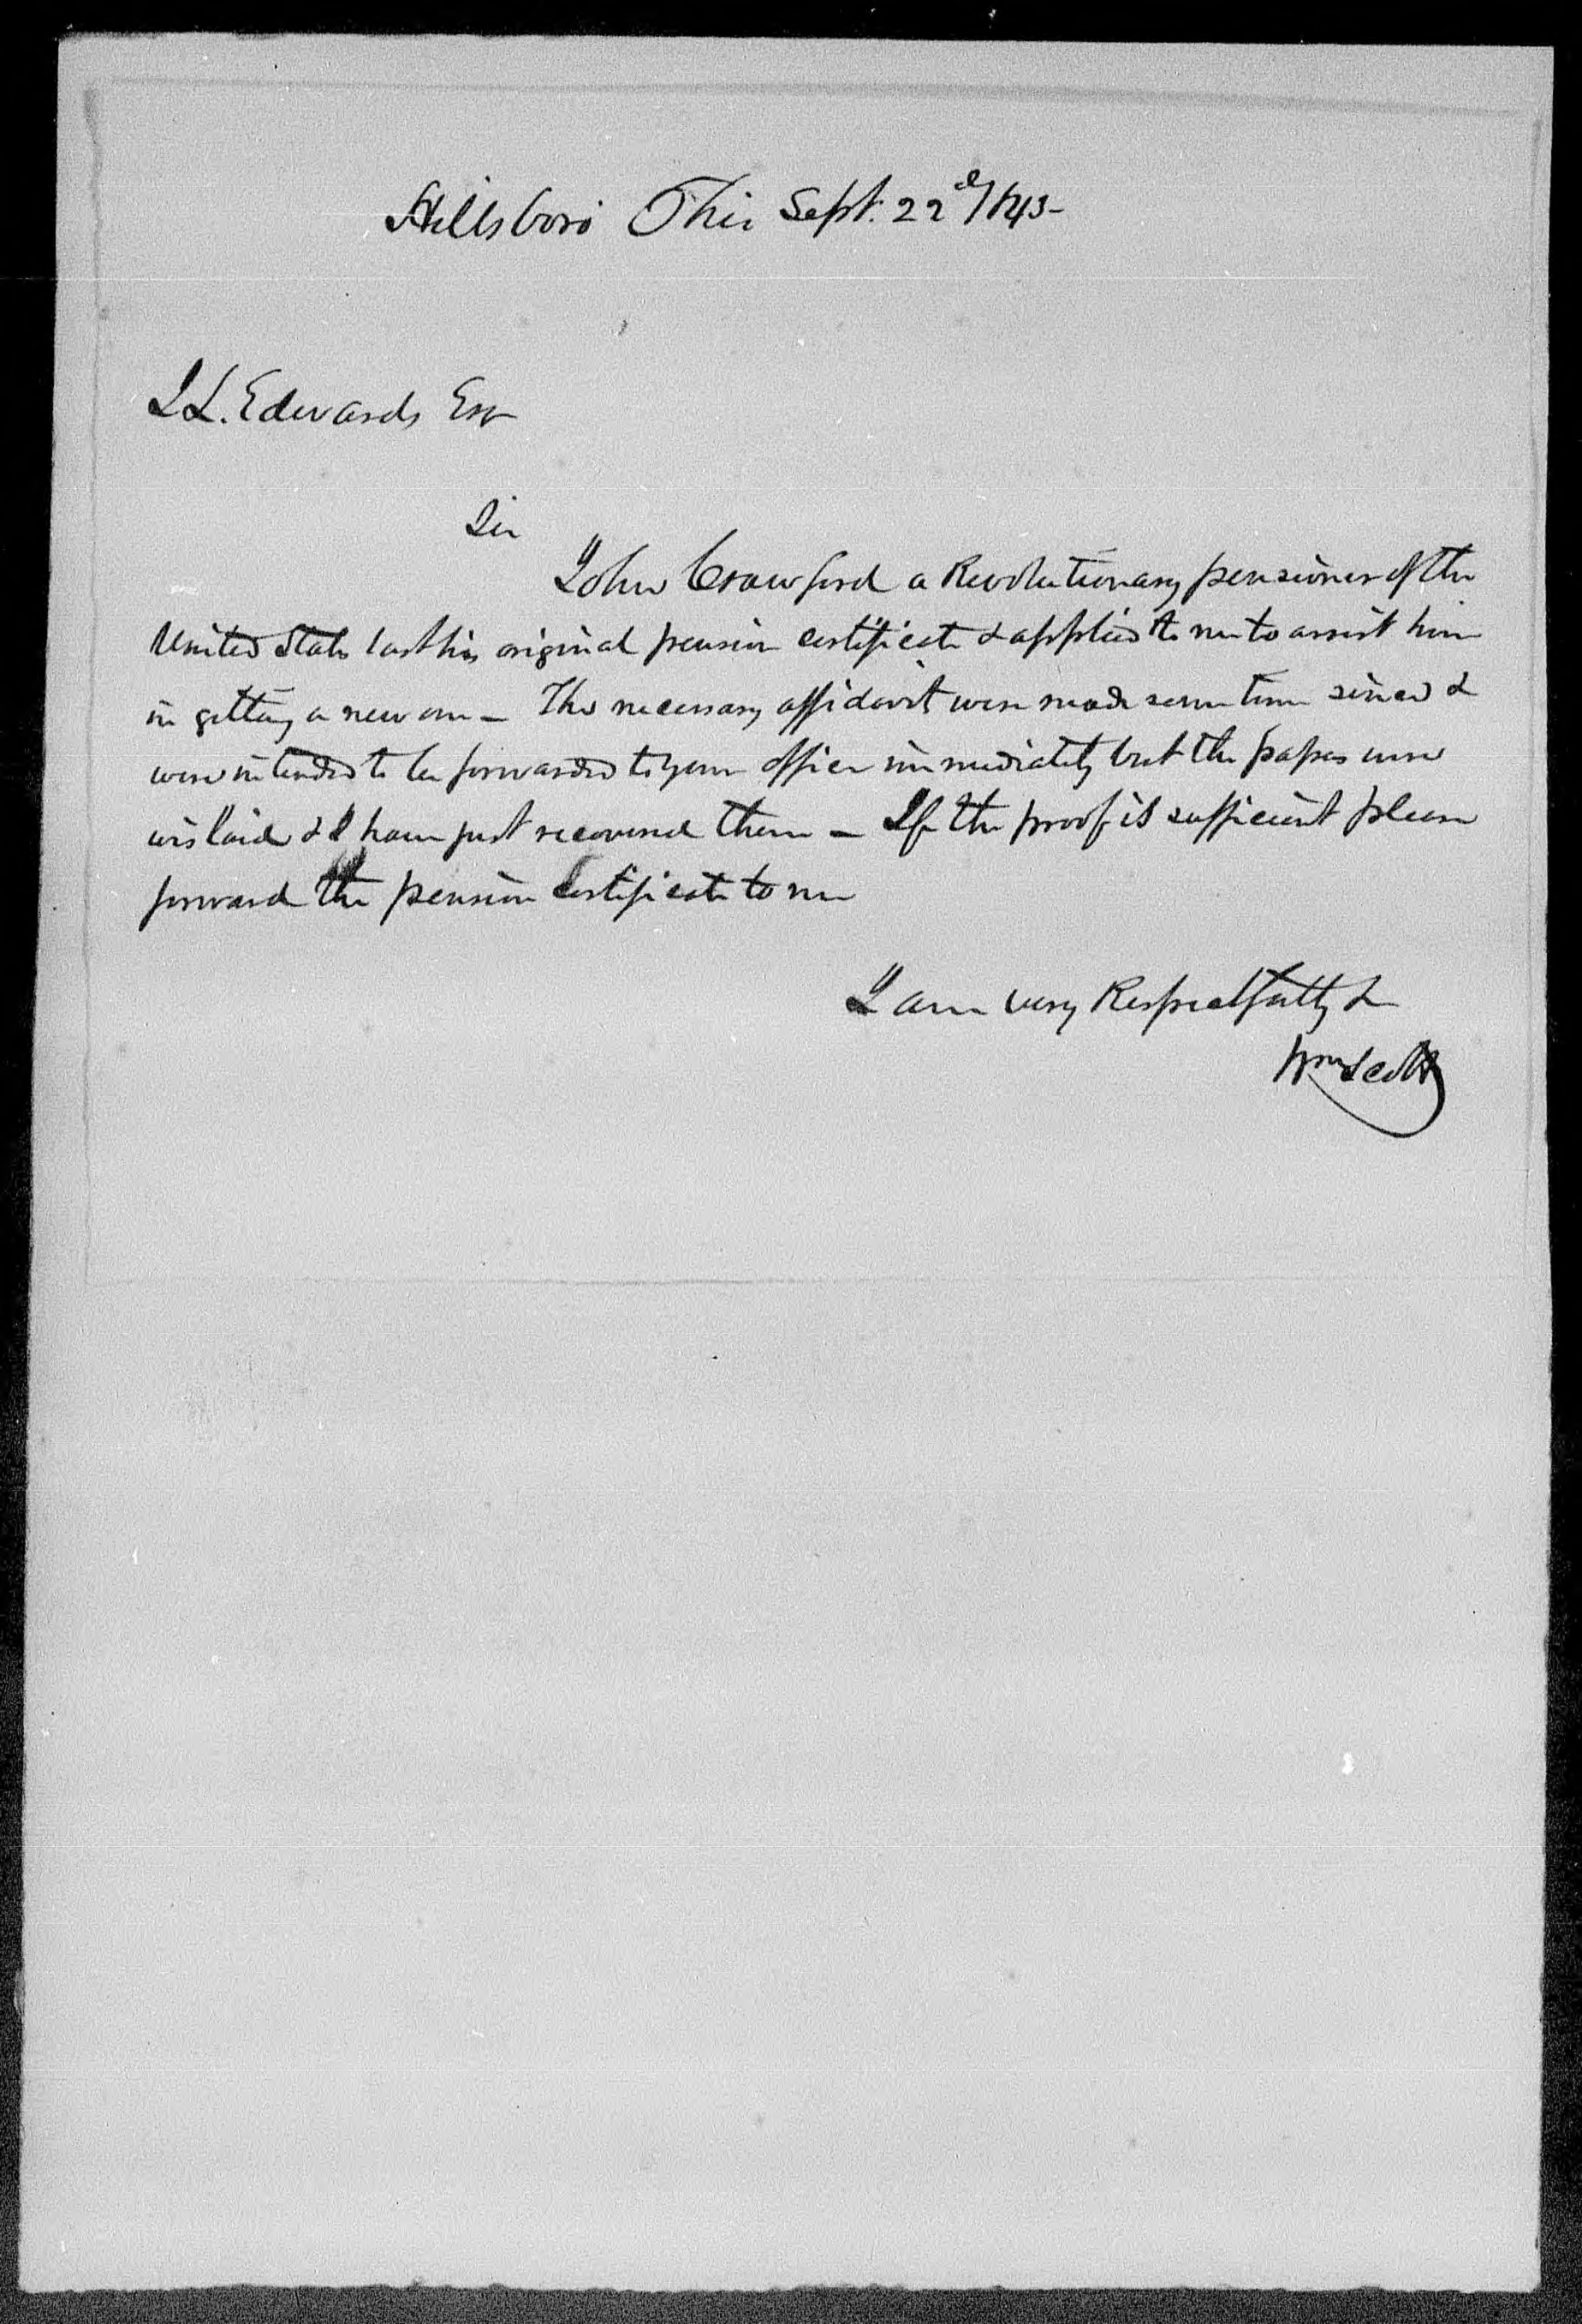Hillsboro This Sept. 22 1843
JL. Edwards E
Sir
John Crawford a Revolutionary pensioner of the
United State lent his original pension certificate & application to me to assist him in getting a new one. The necessary affidavit was made some time since & was intended to be forwarded to your office immediately but the paper was
mislaid & I have just recovered them. If the proof is sufficient, please forward the pension certificate to me
I am very Respectfully &
Wm Scott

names: J L Edwards, John Crawford, Wm Scott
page: 41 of 80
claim: widow's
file: W 2070, John Crawford, Penn.